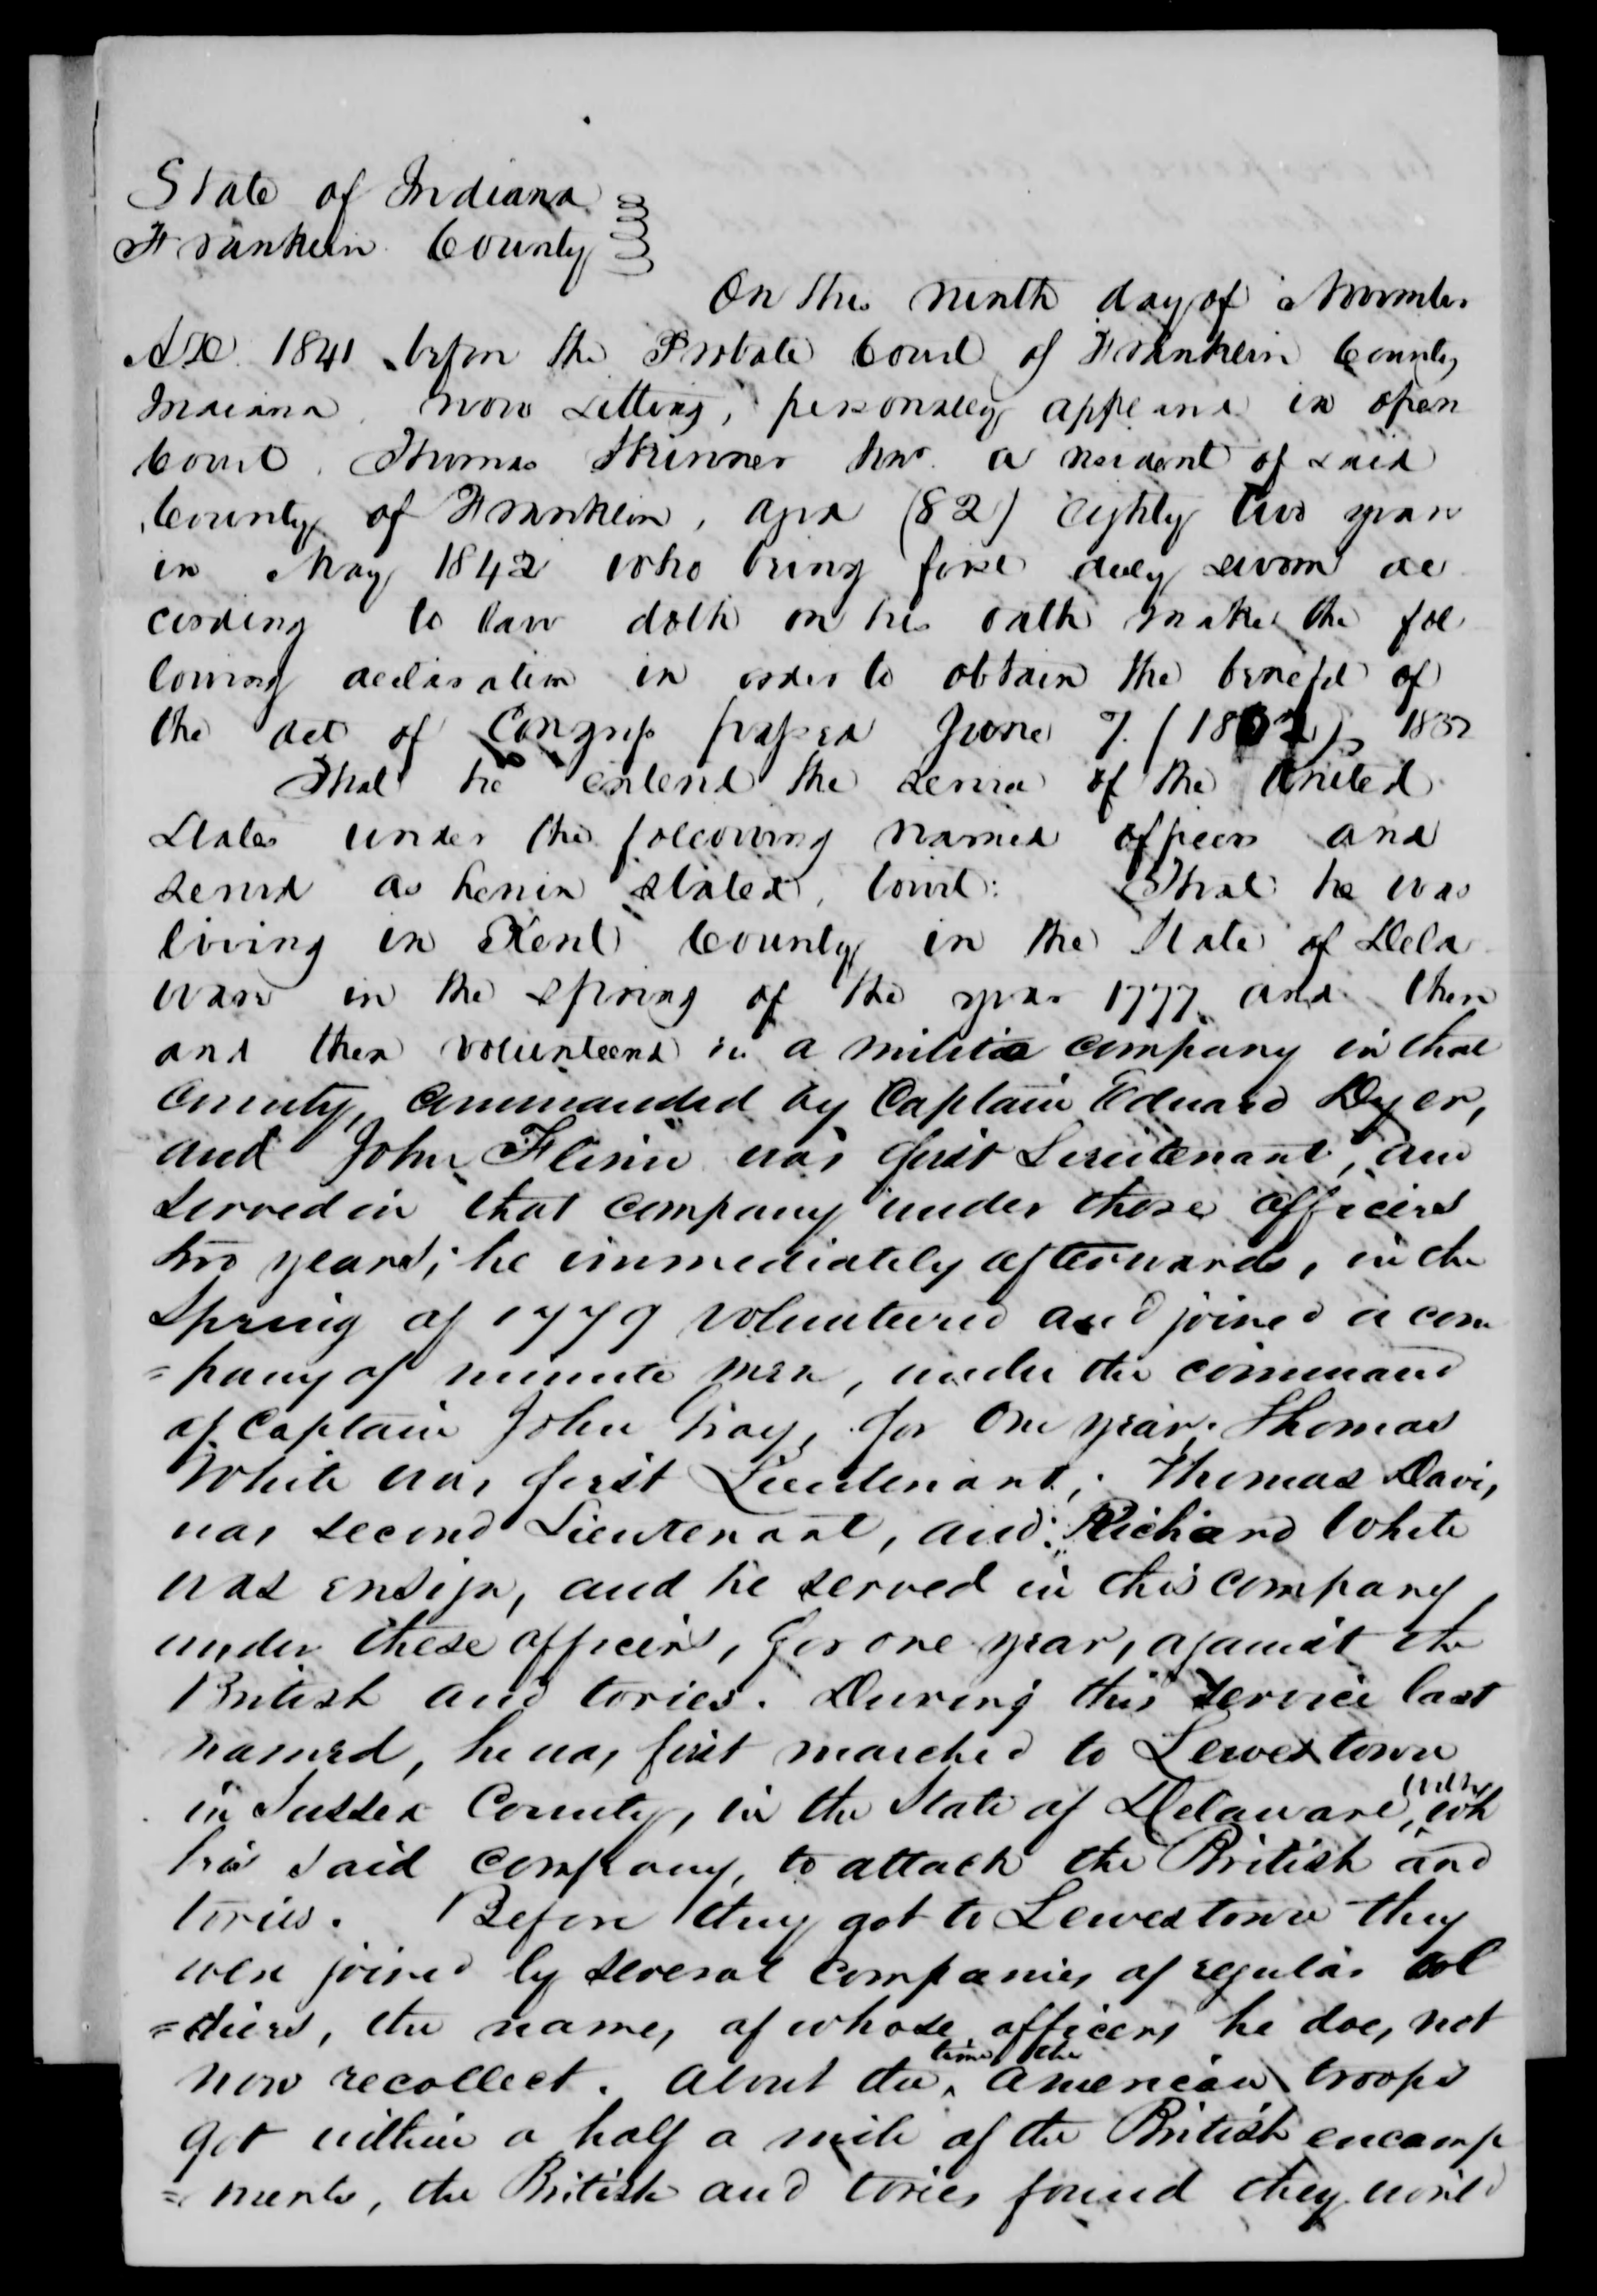State of Indiana &
Franklin County
On this ninth day of November A.D. 1841 before the Probate Court of Franklin County
Indiana now sitting, personally appeared in open Court, Thomas Skinner Snr. a resident of said County of Franklin, Apr (82) eighty two years in May 1842 who being first duly sworn ac-cording to law doth on his oath make the fol-lowing declaration in order to obtain the benefit of the act of Congress passed June 7. (1832) 1832
That he entered the service of the United States under the following named officers and served as herein stated, towit:
That he was living in Kent County in the State of Dela-ware in the spring of the year 1777 and then and then volunteered in a militia company in that County, commanded by Captain Edward Dyer, and John Flinn was first Lieutenant, and served in that company under these officers two years; he immediately afterwards, in the Spring of 1779 volunteered and joined a com-pany of minute men, under the command of Captain John Gray, for one year. Thomas White was first Lieutenant; Thomas Davis was second Lieutenant, and Richard White was ensign, and he served in this company under these officers, for one year, against the British and tories. During this service last named, he was first marched to Lewes town in Sussex County, in the State of Delaware with his said company, to attack the British and tories. Before they got to Lewestown they were joined by several companies of regular sol=diers, the names of whose officers he does not now recollect. About the time the American troops got within a half a mile of the British encamp=ments, the British and tories found they would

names: Thomas Davis; Thomas Skinner; John Gray; Thomas White; Edward Dyer; John Flinn; Richard White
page: 2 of 33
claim: rejected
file: R. 9635, for Thomas Skinner, Delaware